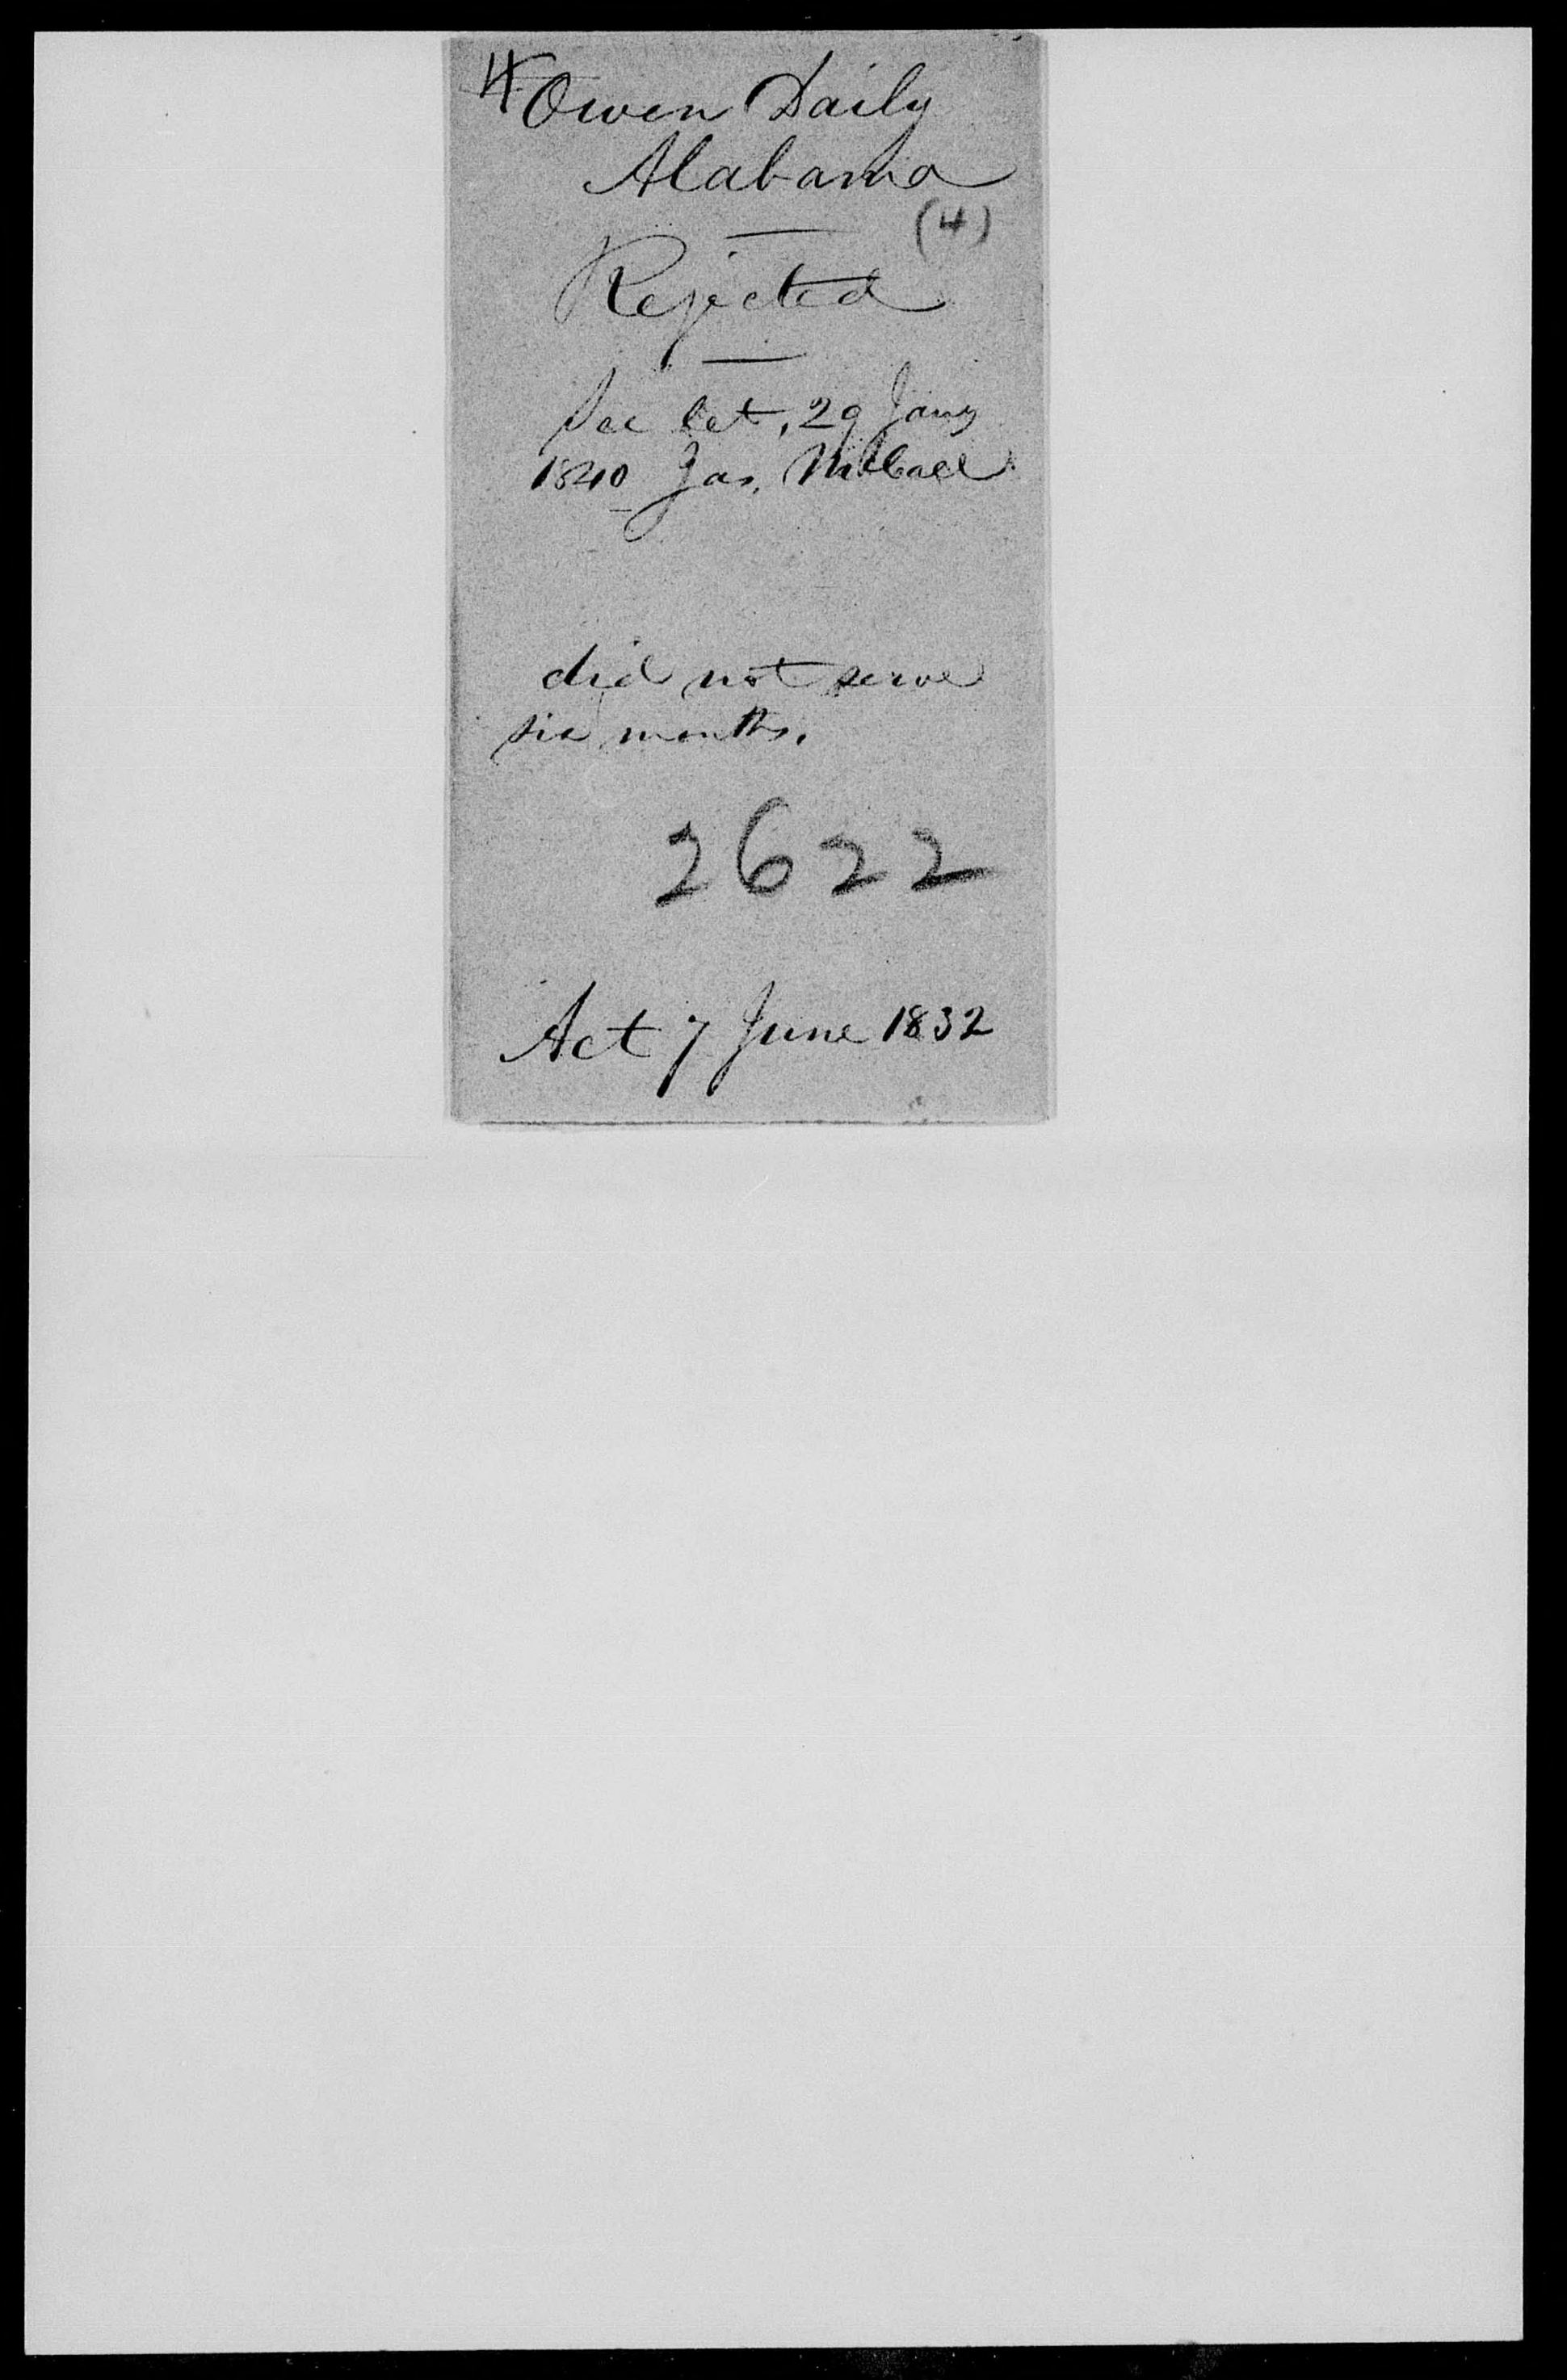4 Owen Daily
Alabama
(4)

REJECTED
________

See let, 29 Jany
1840 Jas. McCall

did not serve
six months

2622

Act 7 June 1832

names: Jas Mc Call, Owen Daily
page: 2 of 13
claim: rejected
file: R. 2,622, Owen Dailey, S.C.